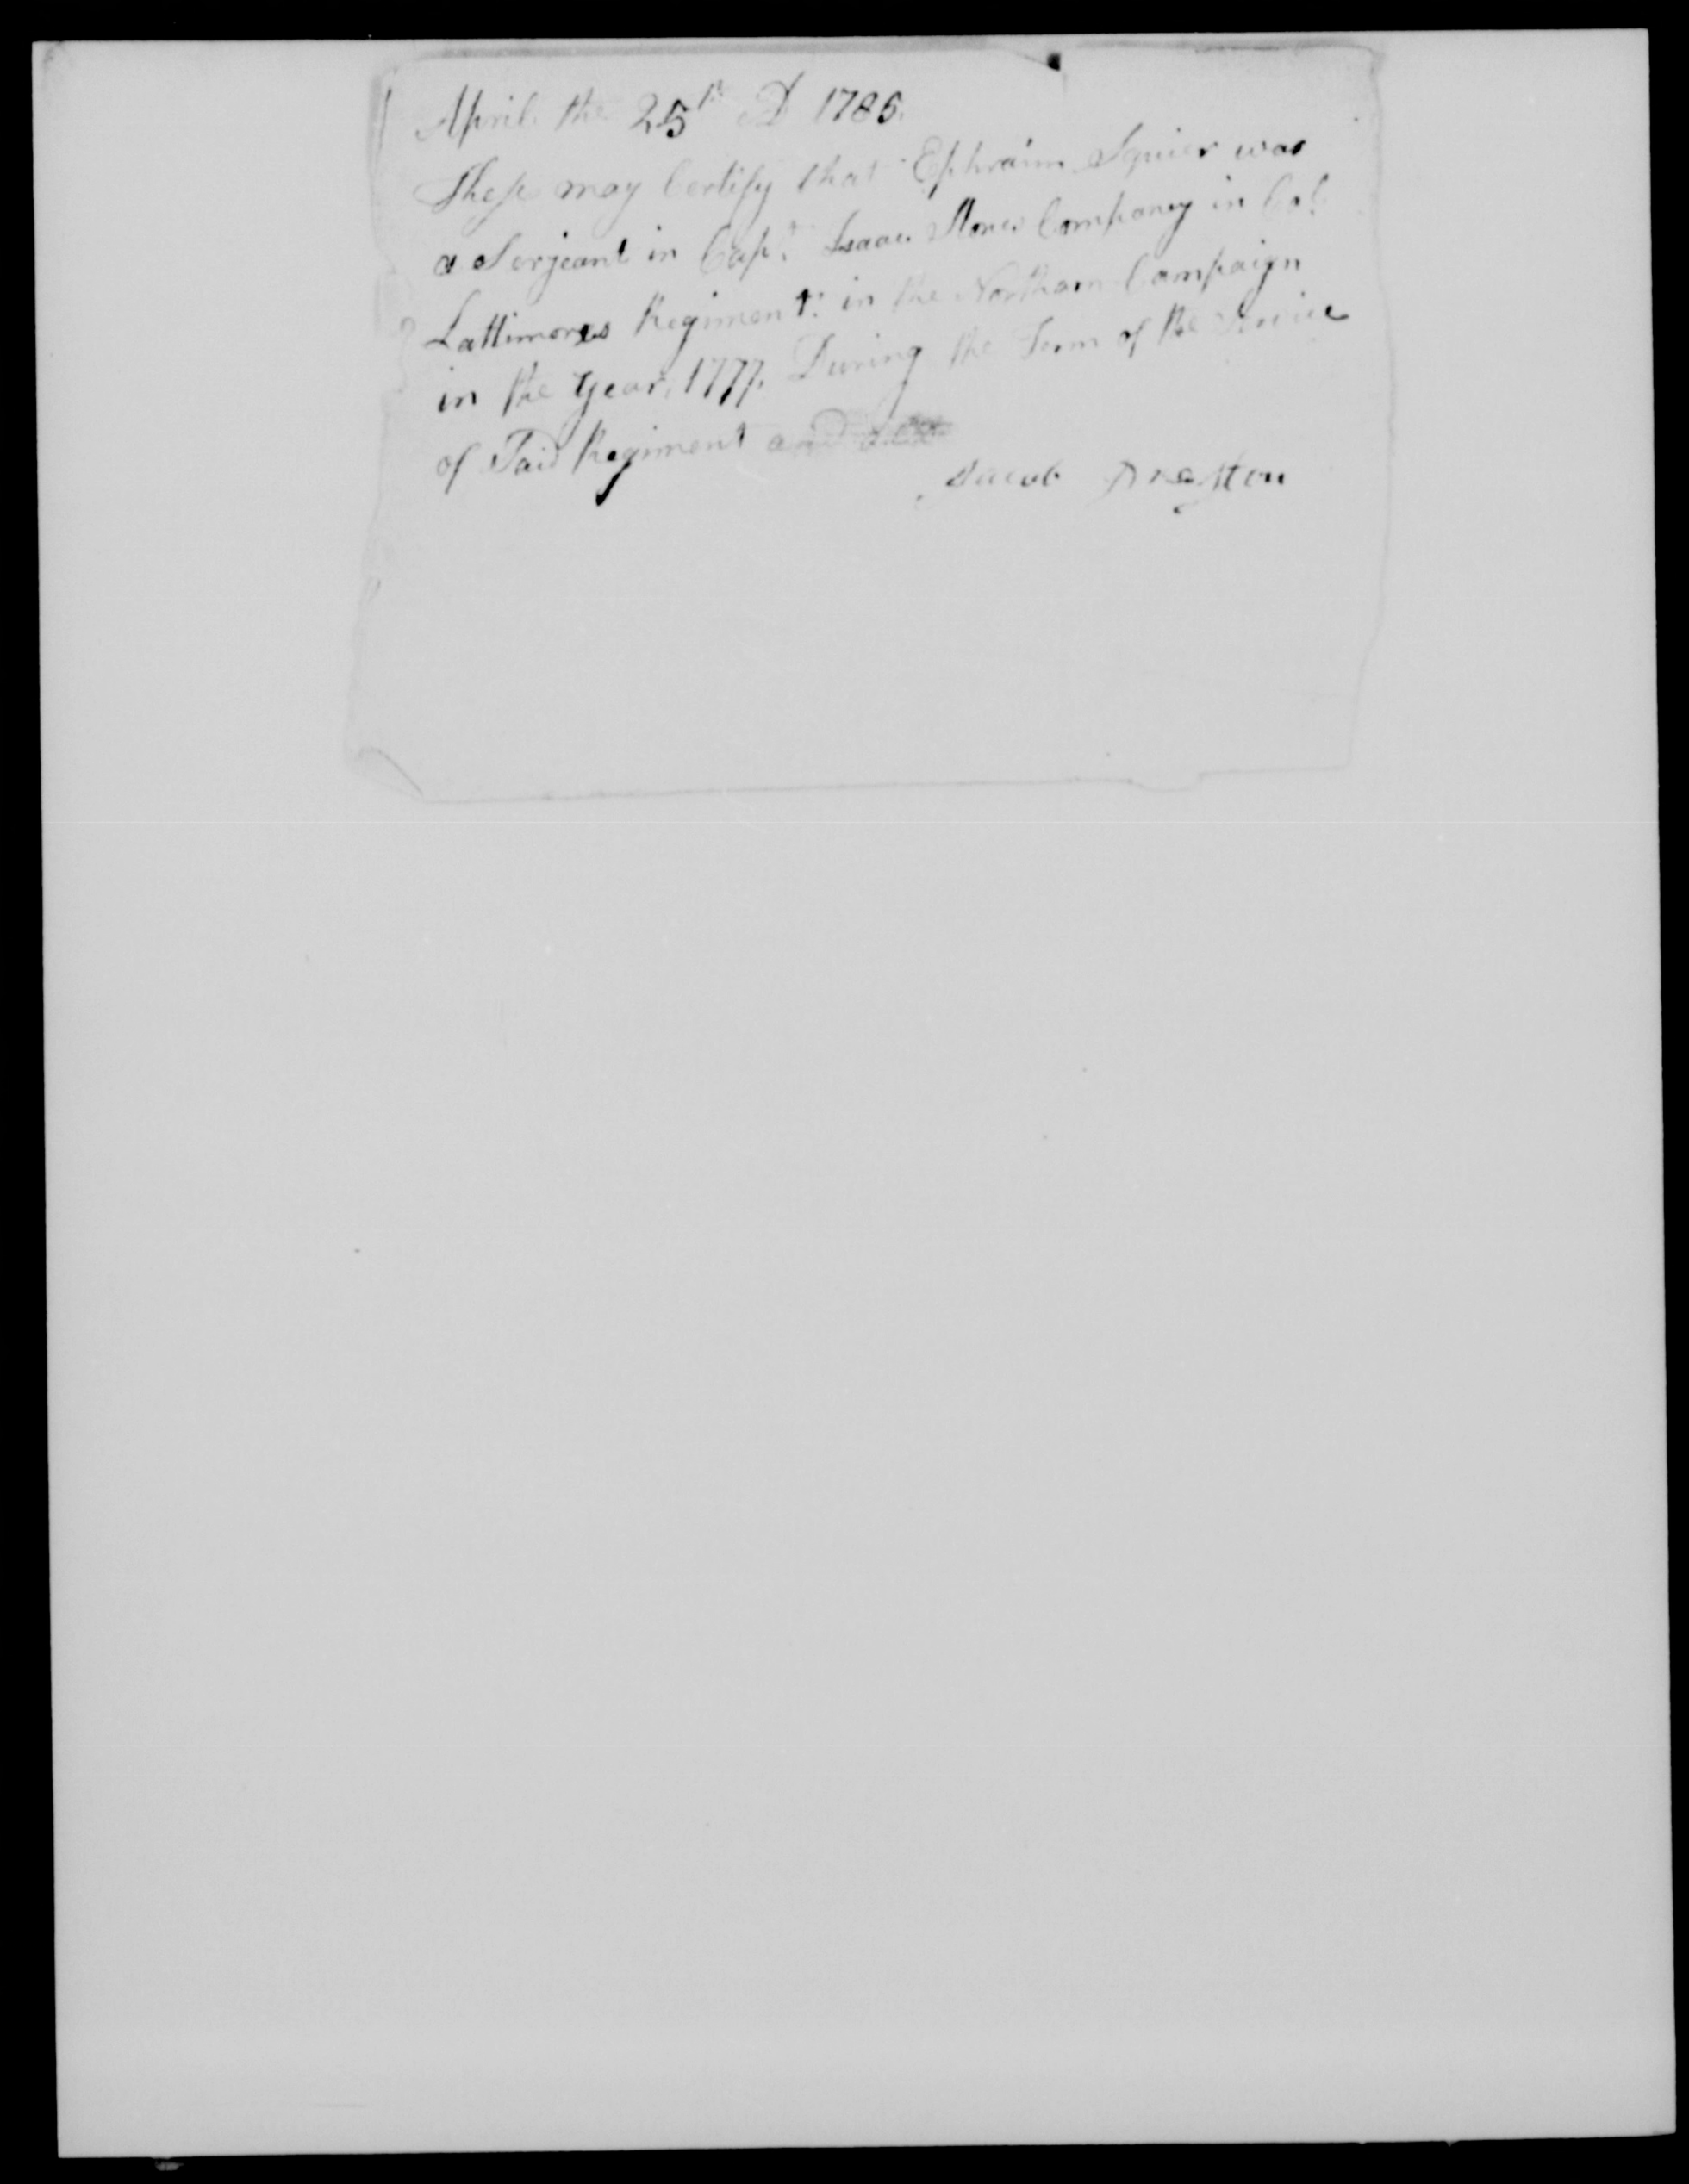April the 25th of 1786,
They may certify that Ephraim Squier was a Sergeant in Capt. Isaac [Illegile] Company in Capt. Lattimores Regiment in the Northern Campaign in the year of 1777, During the term of the service of said Regiment 
*(smudged/erased)*
and died

Jacob Braston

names: Jacob Braston; Ephraim Squier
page: 62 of 70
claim: rejected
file: R. 10,026, for Ephraim Squier, Connecticut